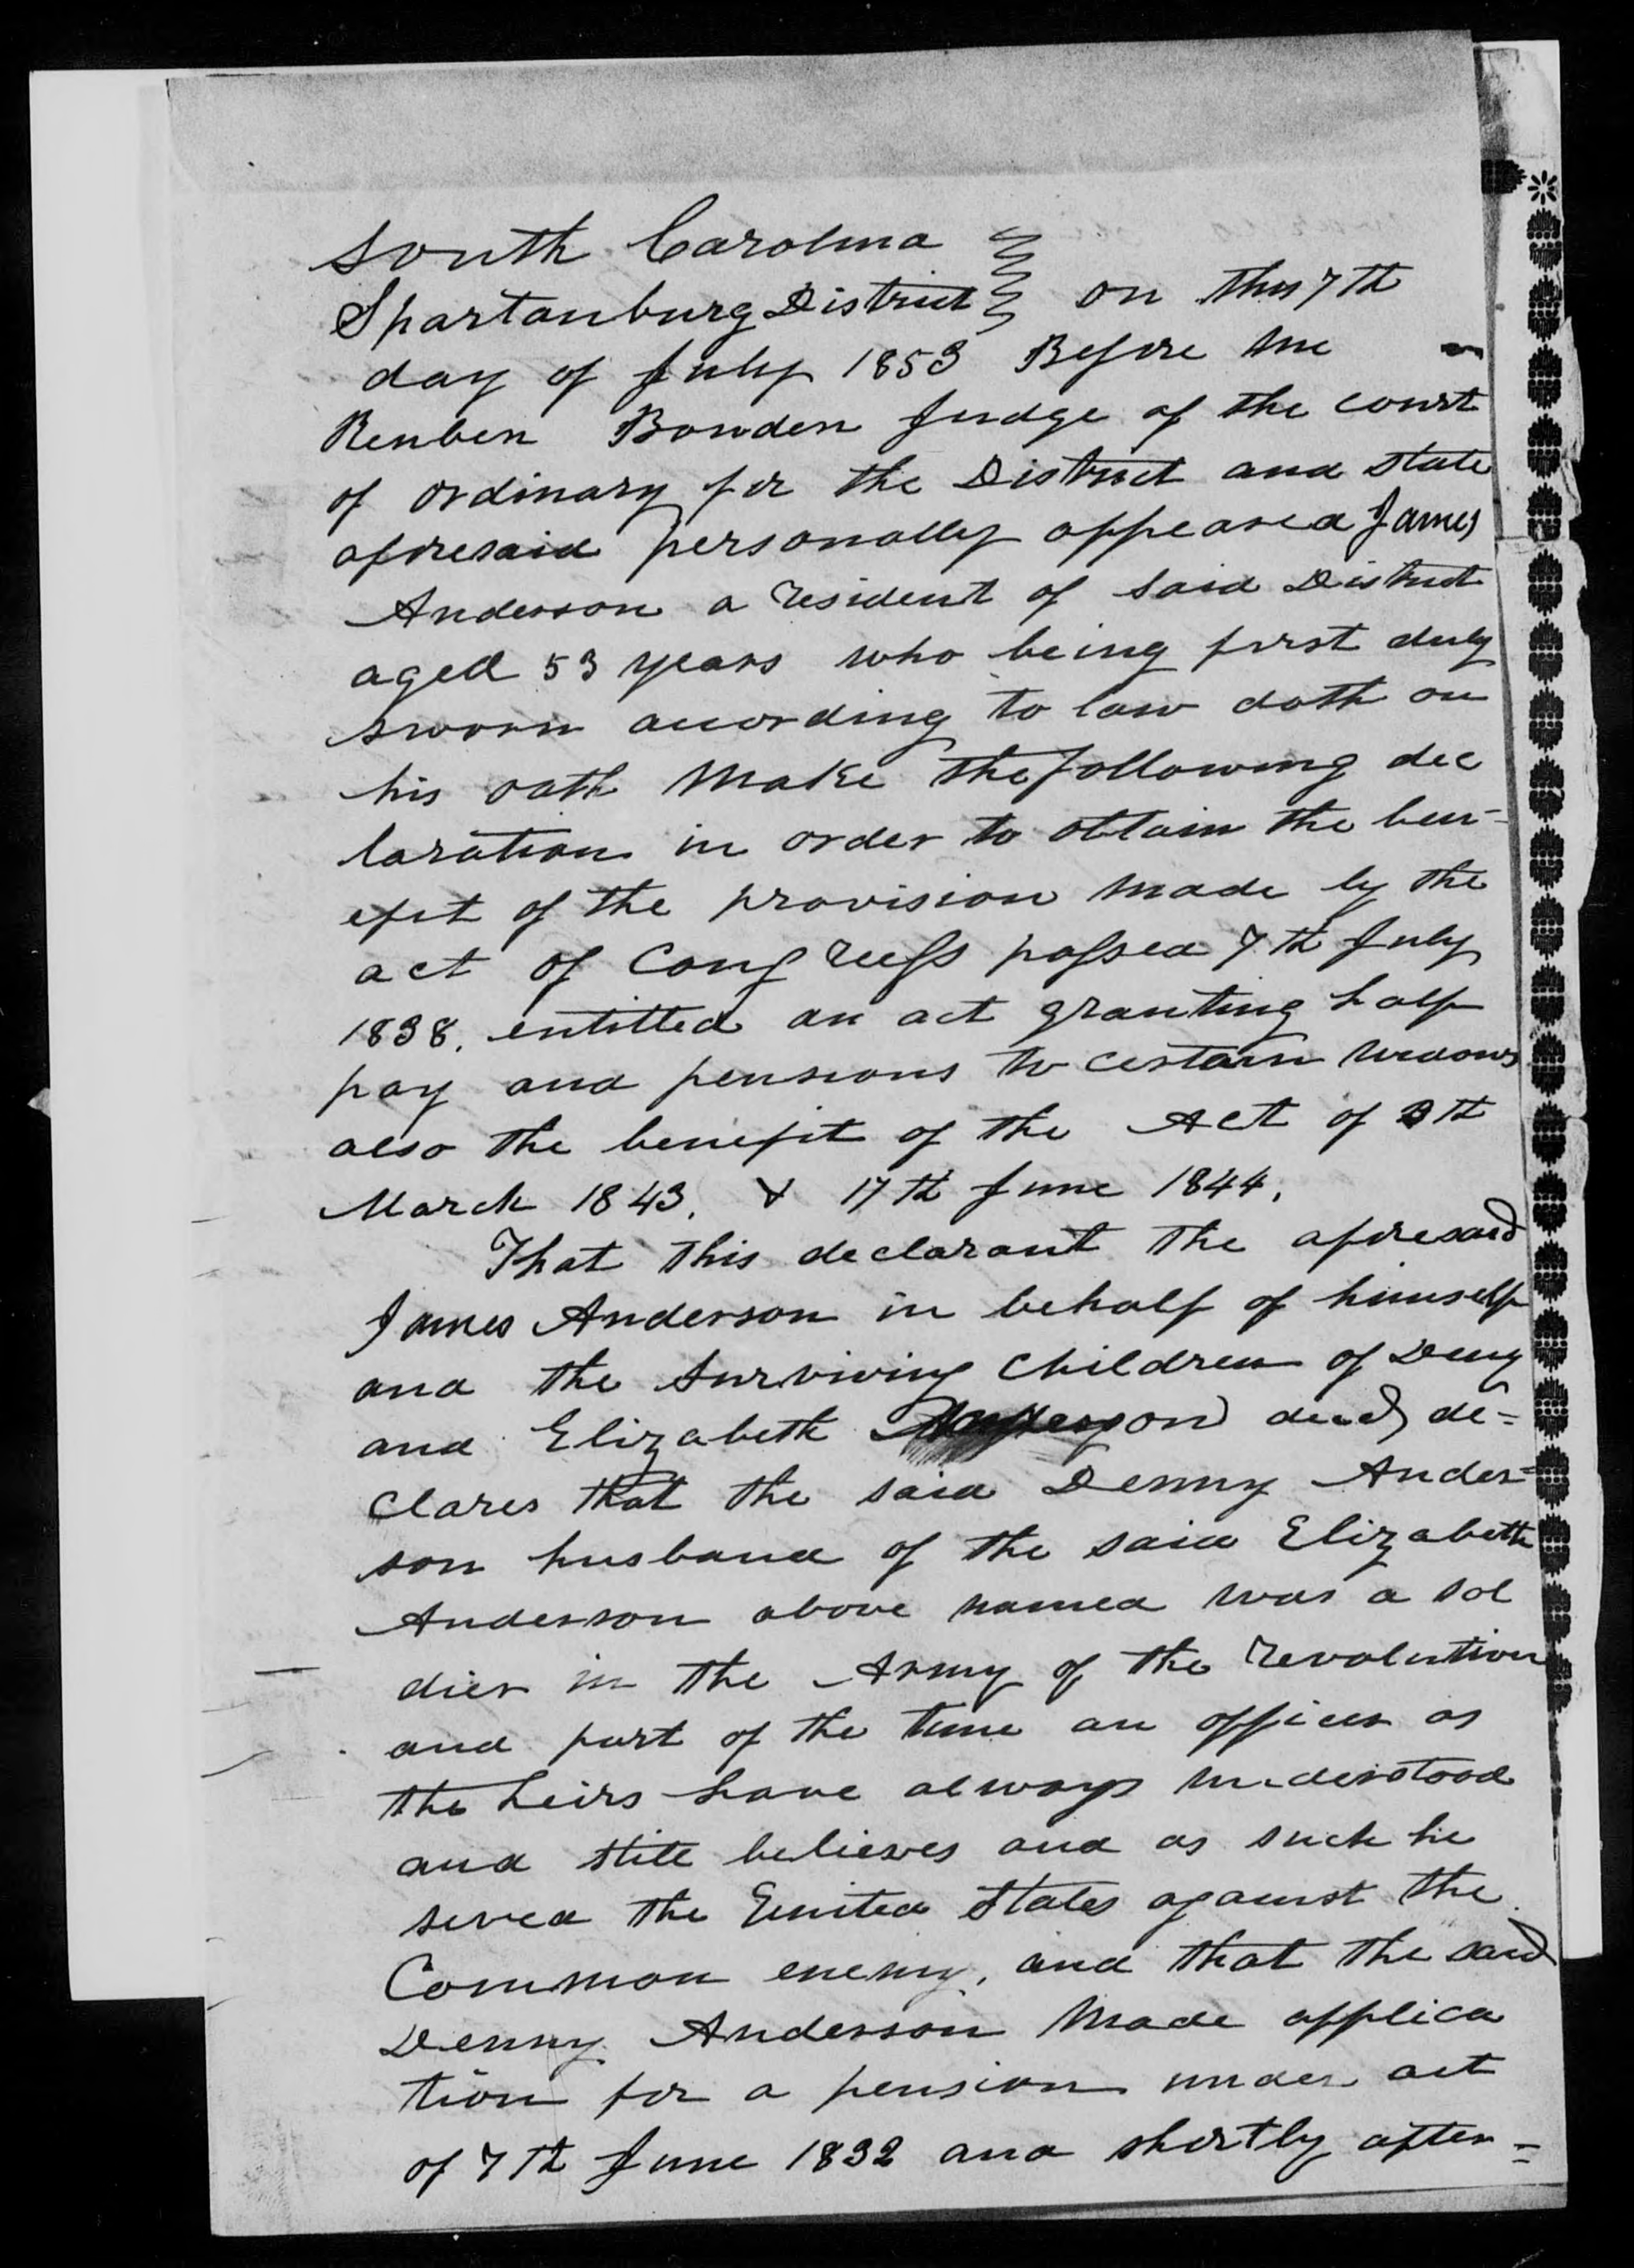South Carolina
Spartanburg District
On this 7th day of July 1853 Before me Reuben Bowden Judge of the Court of Ordinary for the District and State aforesaid personally appeared James Anderson a resident of said District aged 53 years who being first duly sworn according to law doth on his oath make the following declaration in order to obtain the benefit of the provision made by the act of Congress passed 7th July 1838, entitled an act granting half pay and pensions to certain widows also the benefit of the Act of 8th March 1843 & 17th June 1844,
That this declarant the aforesaid James Anderson in behalf of himself and the surviving children of Deny and Elizabeth Anderson decd declares that the said Denny Anderson husband of the said Elizabeth Anderson above named was a soldier in the Army of the Revolution and part of the time an officer as the heirs have always understood and still believes and as such he served the United States against the Common enemy, and that the said Denny Anderson made application for a pension under act of 7th June 1832 and shortly after-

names: Denny Anderson, Elizabeth Anderson, Deny Anderson, Reuben Bowden, James Anderson, Elizabeth Anderson, James Anderson, Denny Anderson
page: 12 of 51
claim: widow's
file: W. 9700, Denney Anderson, S.C.